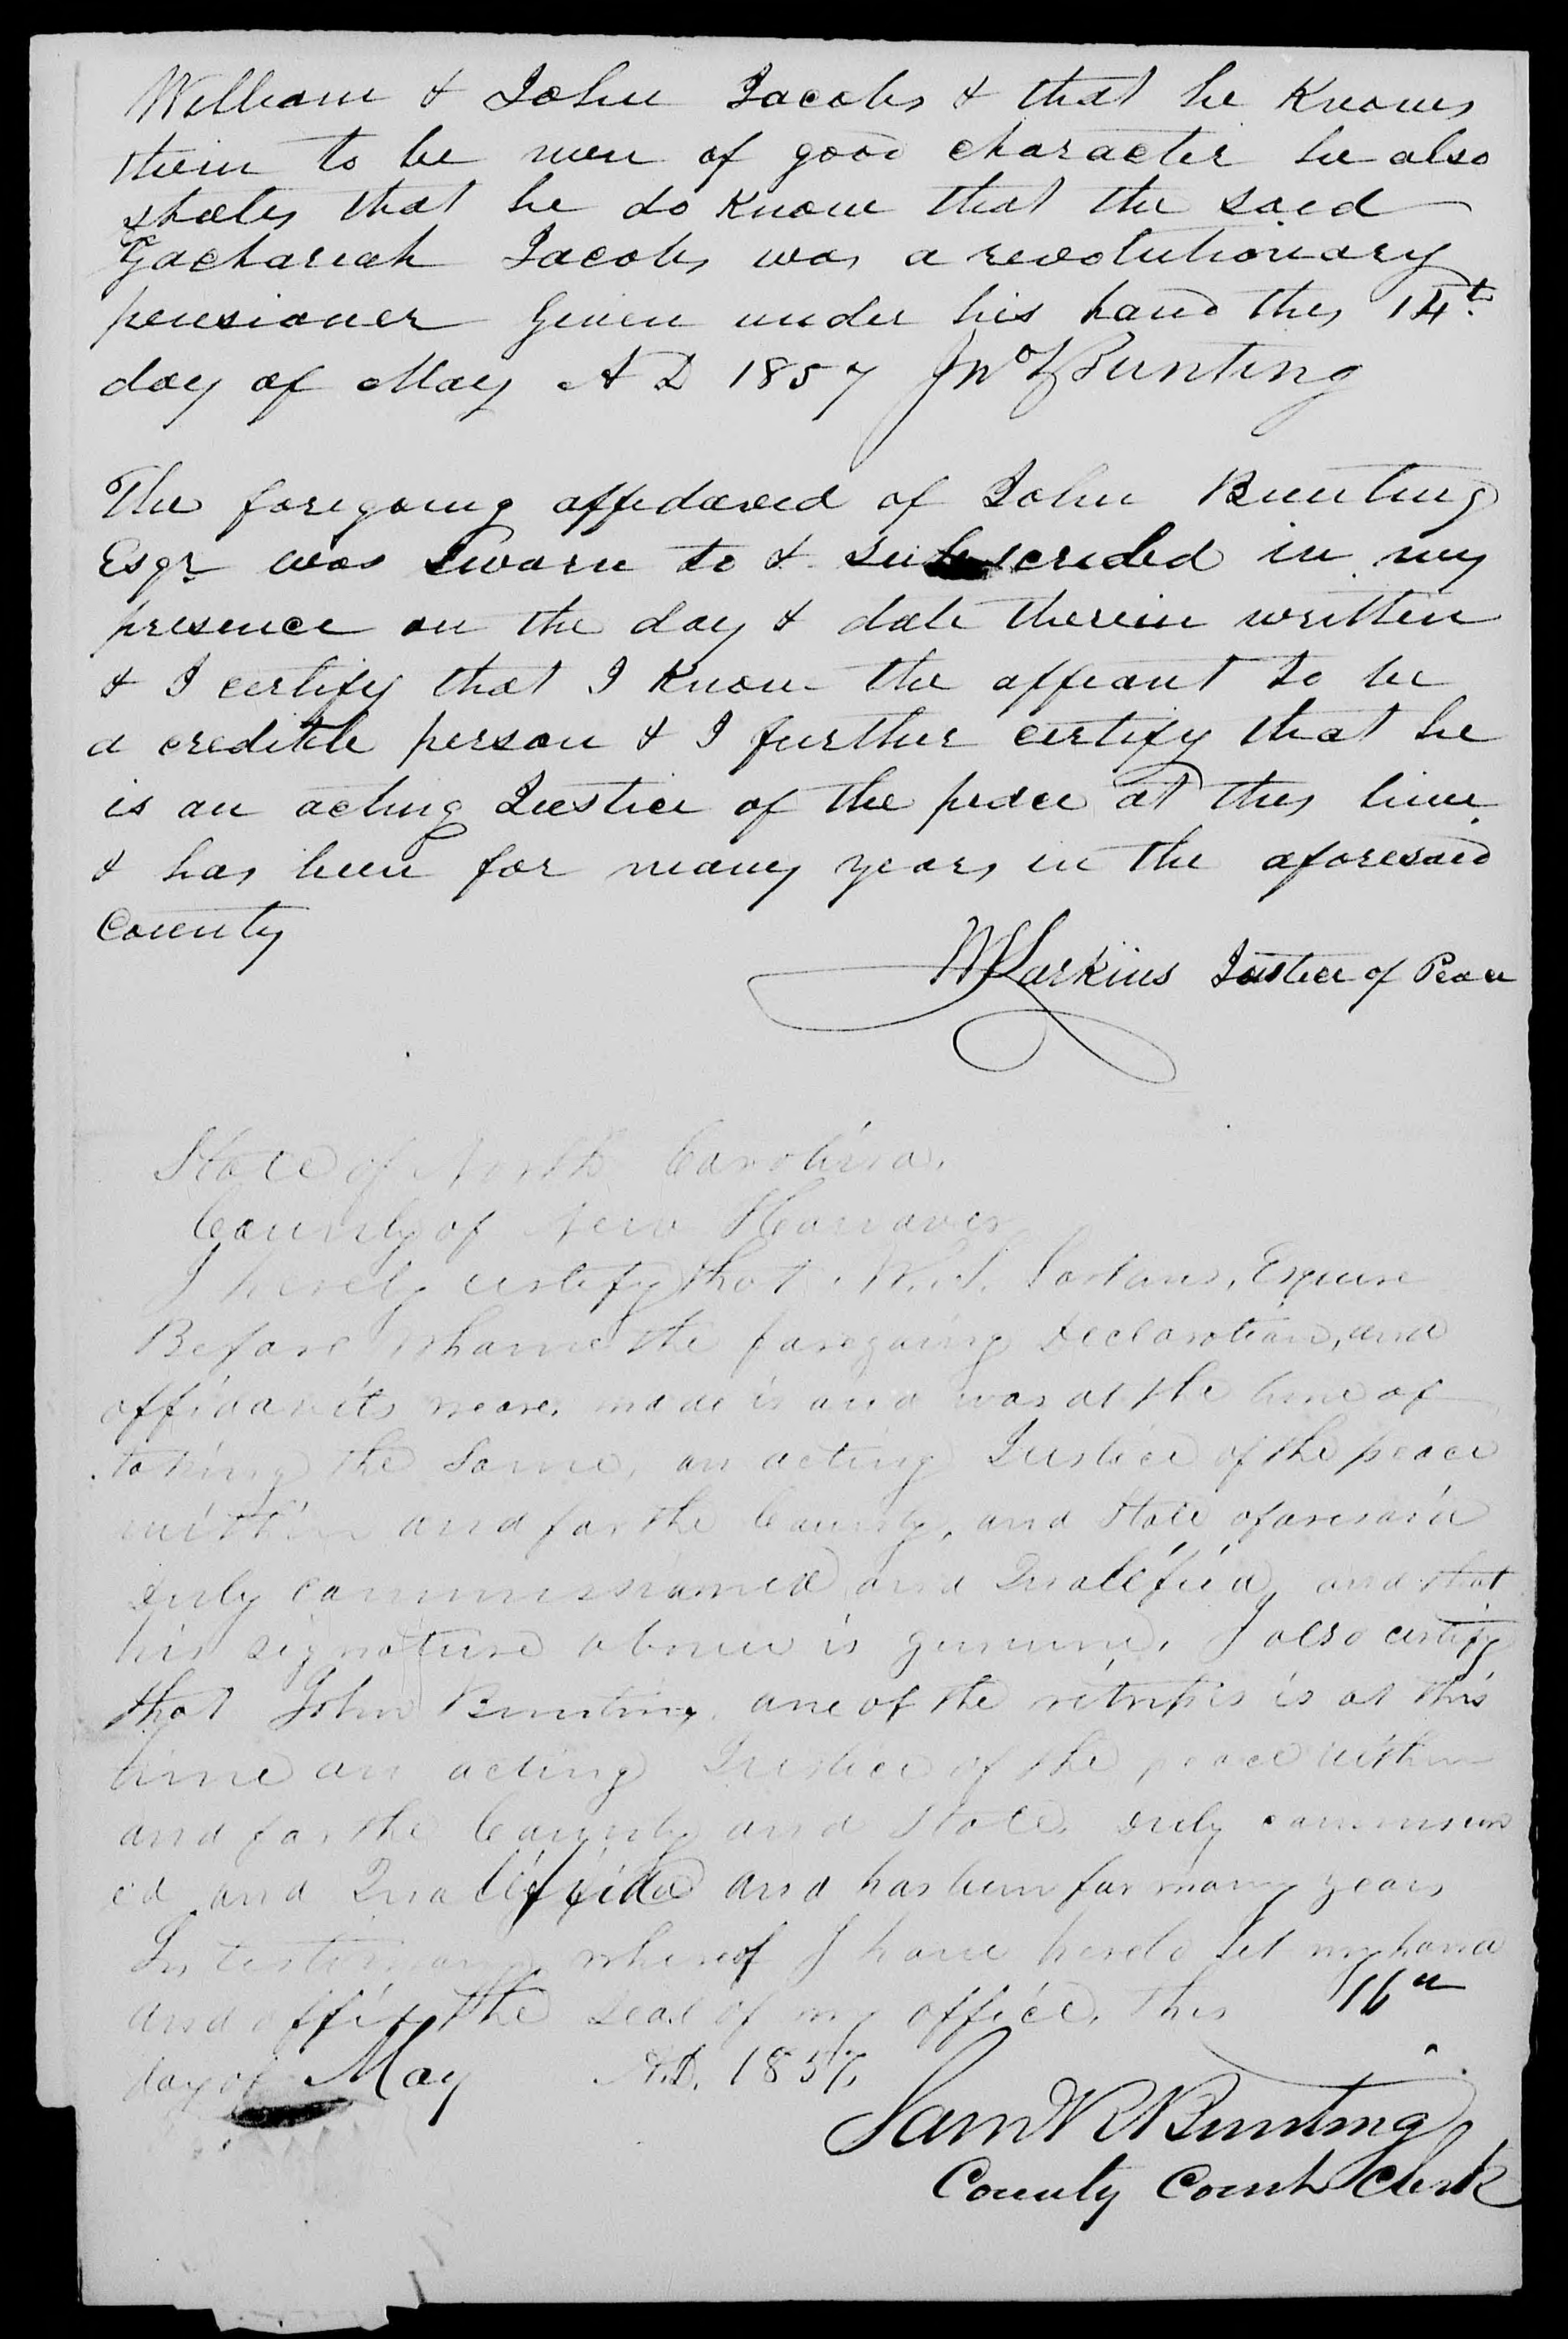William & John Jacobs & that he knows them to be men of good character he also states that he do know that the said Zachariah Jacobs was a revolutionary pensioner given under his hand this 14th day of May AD 1857   
                [Signature]  Jn [illegible] Bunting

The foregoing affidavid of John Bunting  Esqr was sworn to & subscribed in my presence on the day & date therein written & I certify that I know the affiant to be a credible person & I further certify that he is an acting Justice of the peace at this time & has been for many years in the aforesaid County
[Signature] W L. Sarkins  Justice of Peace

State of North Carolina
County of New Hanover
I hereby certify that Wm S Sartins, Esquire
Before whom the following Declaration, and affidavits were made is an acting Justice of the Peace within and for the County and State aforesaid duly commissioned and qualified and that his signature above is genuine.  I also certify that John Bunting one of the witnesses is at this time an acting Justice of the peace within and for the County and State duly commissioned and Qualified and has been for many years  In testimony whereof I have hereto set my hand and affixed the seal of my office, this 16th day of May  AD 1857
                      [Signature]  Sam W Bunting
SEAL                              County Court Clerk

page: 5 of 40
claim: widow's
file: W. 5304, for Zachariah Jacobs, North Carolina